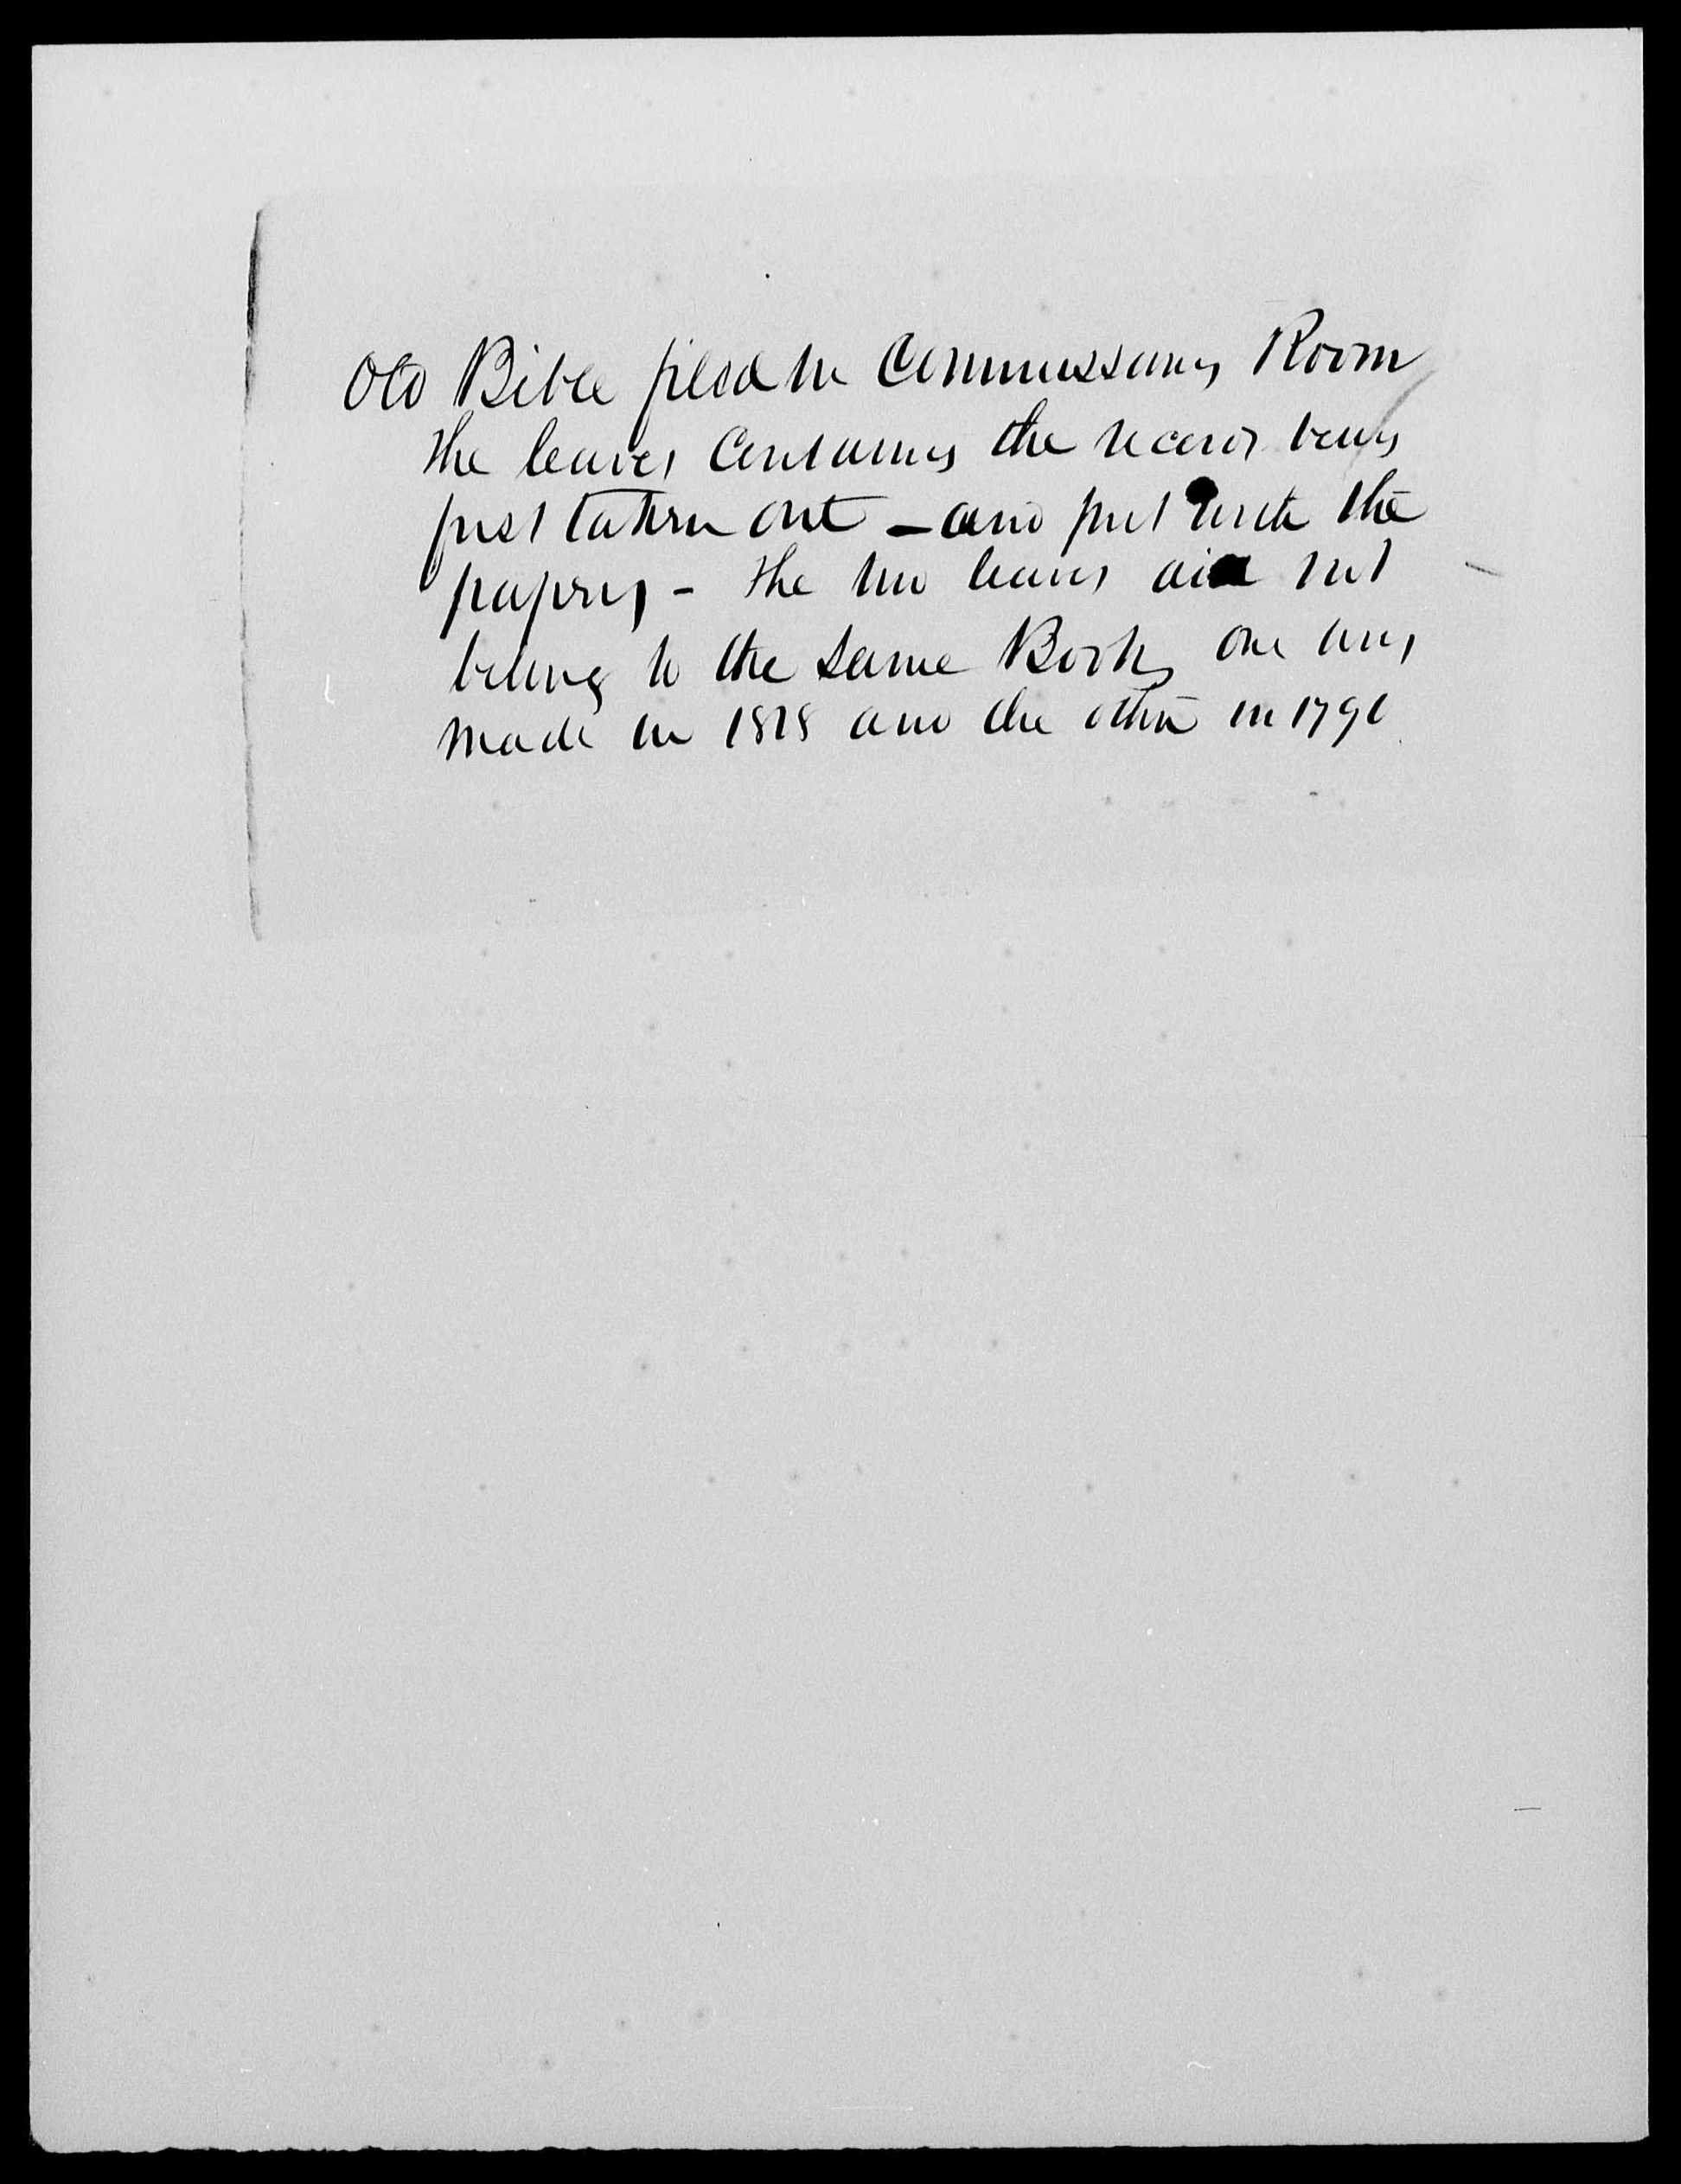old Bible filed in commissary Room
the leaves contains the record very first taken out - and put with the papers - the two leaves do not belong to the same Book one was made in 1828 and the other in 1790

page: 58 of 83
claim: widow's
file: W. 5946, John Brandon, Penn